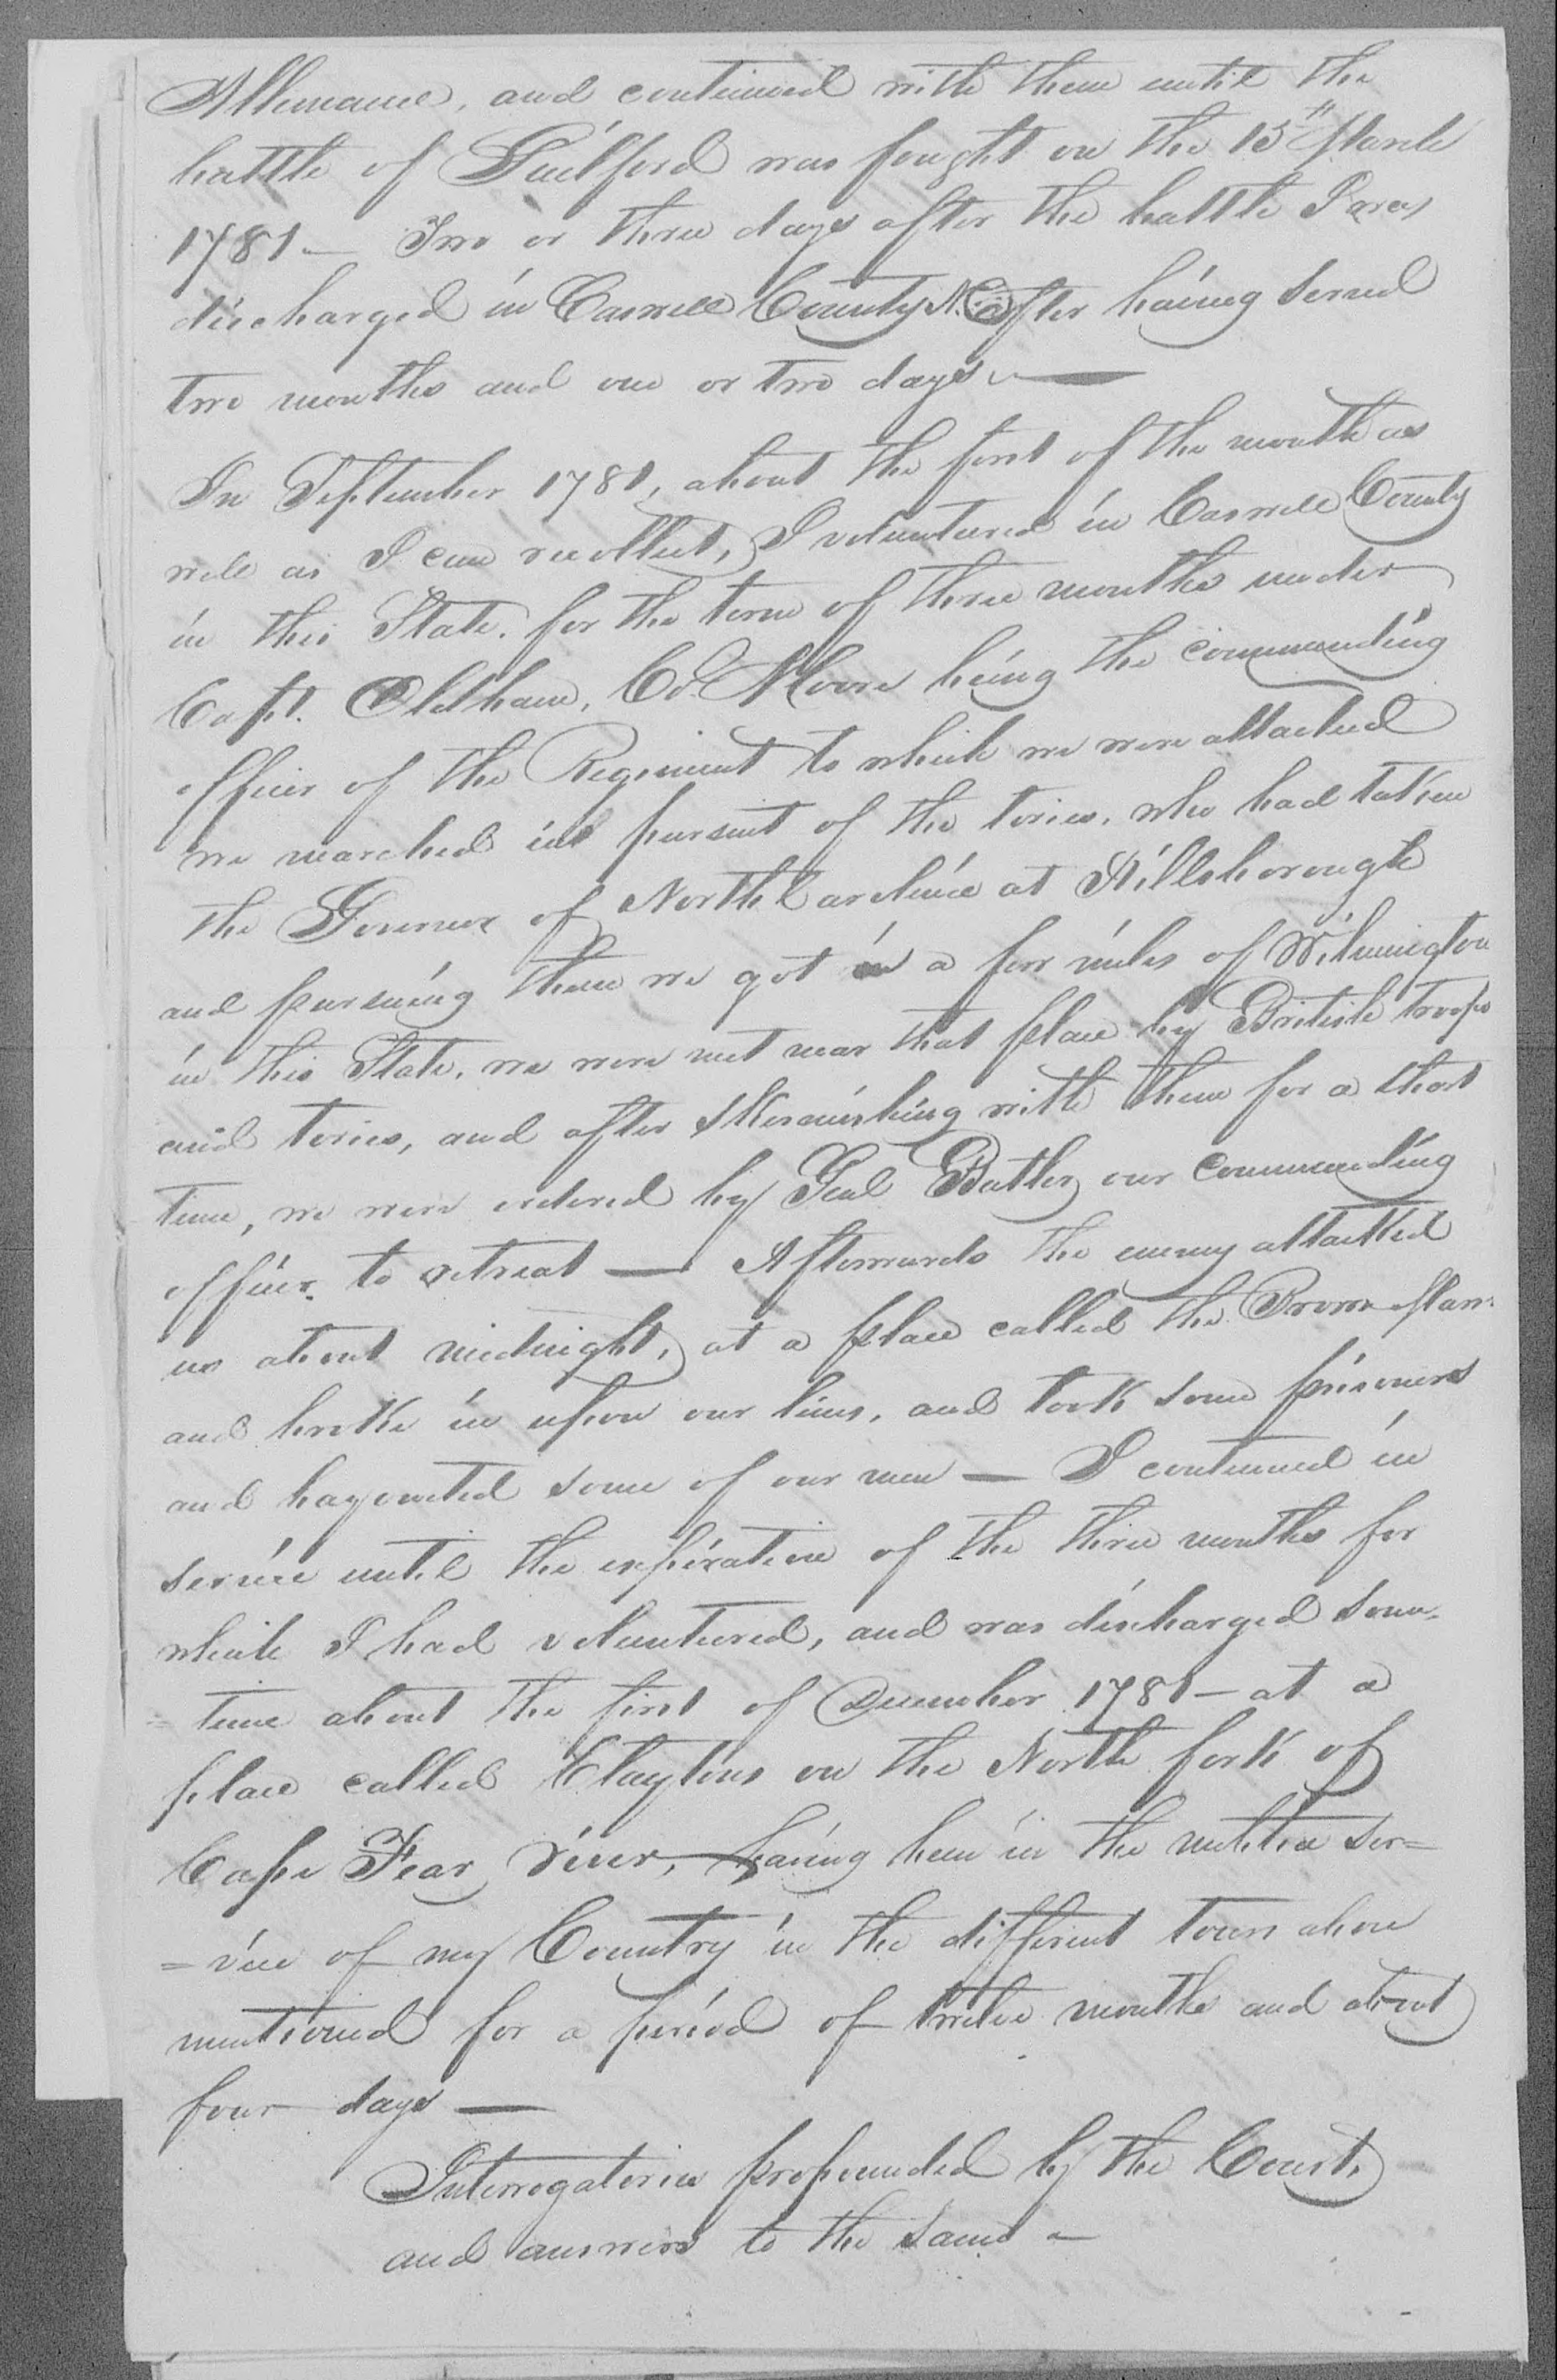Alamance, and continued with them until the battle of Guilford was fought on the 15th March 1781. Two or three days after the battle I was discharged in Caswell County N. C. after having served two months and one or two days -

In September 1781, about the first of the month as well as I can recollect, I volunteered in Caswell County in this State for the term of three months under Capt [Captain] Oldham, Col [Colonel] Moore being the commanding officer of the Regiment to which we were attached we marched in pursuit of the Tories, who had taken the Governor of North Carolina at Hillsborough and pursuing them we got in a few miles of Wilmington in this State, we were met near that place British troops and Tories, and after skirmishing with them for a short time, we were ordered by Genl [General] Butler our commanding officer to retreat.-  Afterwards the enemy attacked us about midnight, at a place called the Brown Marsh and broke in upon our lines, and took some prisoners and bayoneted some of our men. - I continued in service until the expiration of the three months for which I had volunteered, and was discharged some time about the first of December 1781 – at a place called Clayton's on the North fork of Cape Fear River, having been in the militia service of my country and the different tours above mentioned for a period of twelve months and about four days. 

Interrogatories propounded by the Court and answers to the Same -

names: Oldham, Moore, Butler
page: 7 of 23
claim: survivor's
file: S. 6560, David Barker, N.C.